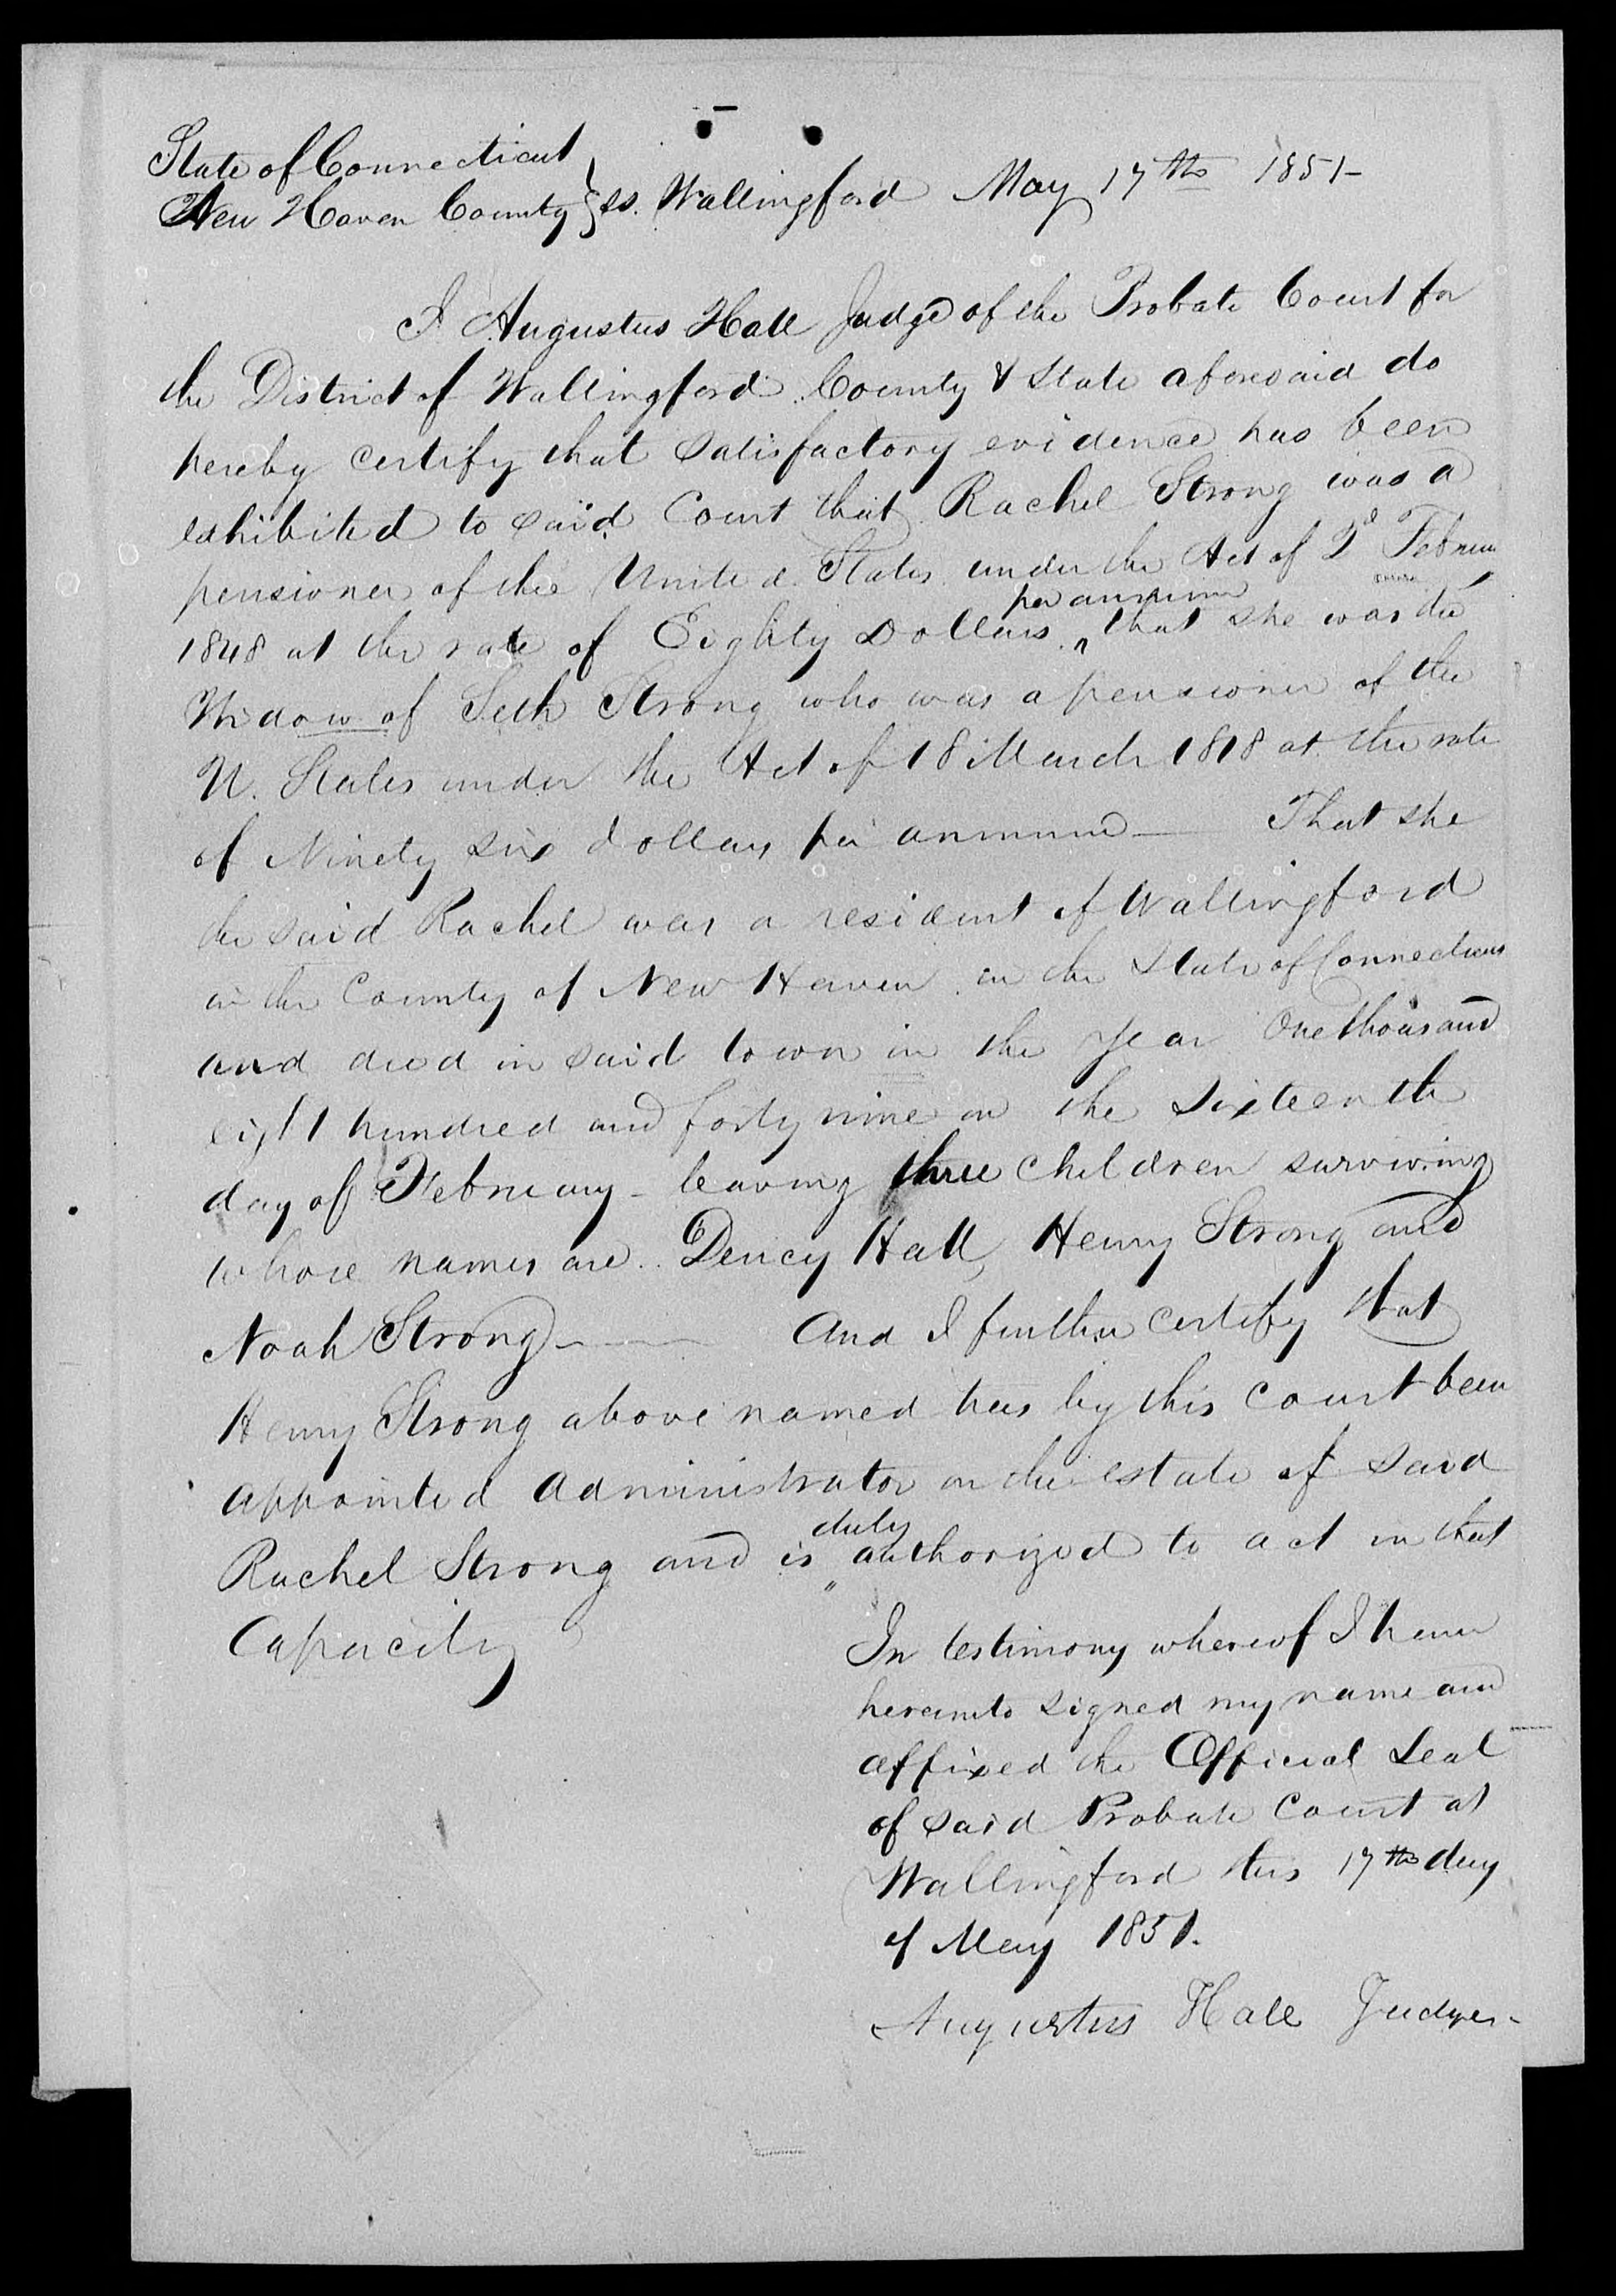State of Connecticut
New Haven County ss Wallingford May 17th 1851 -

I Augustus Hall Judge of the Probate Court for the District of Wallingford County & State aforesaid do hereby certify that satisfactory evidence has been exhibited to said Court that Rachel Strong was a pensioner of the United States under the Act of 2d February 1848 at the rate of Eighty Dollars per annum. that she was the Widow of Seth Strong who was a pensioner of the U. States under the Act of 18 March 1818 at the rate of Ninety Six dollars per annum - That she the said Rachel was a resident of Wallingford in the County of New Haven in the State of Connecticut and died in said town in the Year One thousand eight hundred and forty nine on the Sixteenth day of February - leaving three children surviving whose names are Dency Hall, Henry Strong and Noah Strong -  And I further certify that Henry Strong above named has by this court been appointed administrator on the estate of said Rachel Strong and is duly authorized to act in that capacity

In testimony whereof I have
hereunto signed my name and 
affixed the Official Seal
of said Probate Court at
Wallingford this 17th day
of May 1851.
Augustus Hall  Judge

[Square piece of paper affixed at lower left]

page: 16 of 47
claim: widow's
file: W. 17879, for Seth Strong, Connecticut